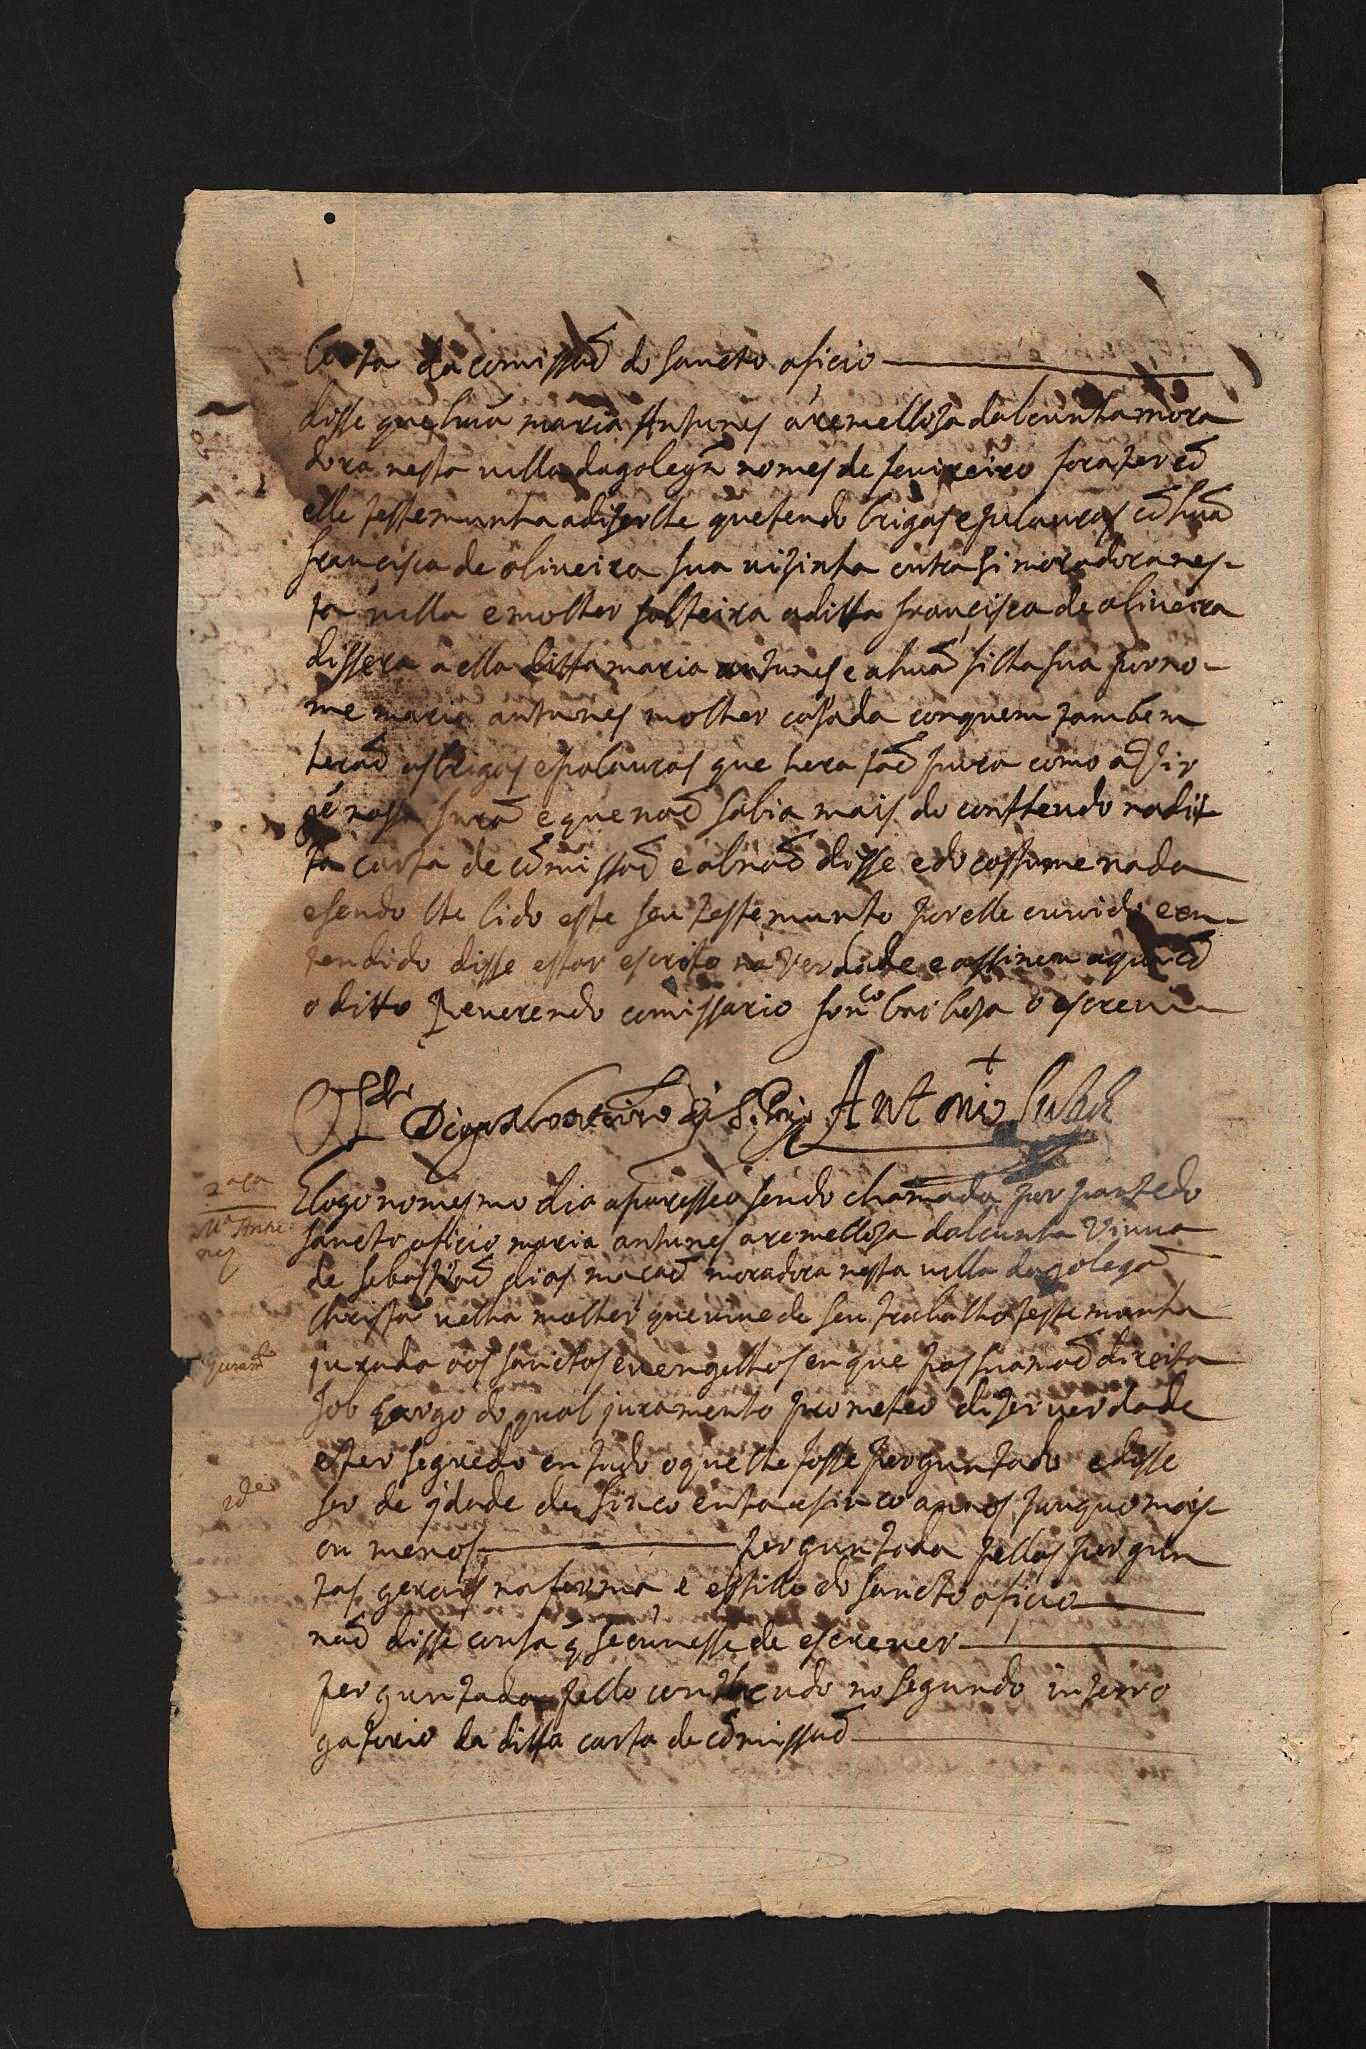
Carta da comissaõ do Sancto ofiçio
disse que huā maria Antunes a remelloza dalcunha mora
dora nesta uilla da golegã no mes de fevereiro fora ter cō
elle testemunha a dizerlhe que tendo brigas e palauras cō huā
francisca de oliveira sua vizinha outrasi moradora nes
ta villa e molher solteira a ditta françisca de oliueira
dissera a ella ditta maria antunes e a huā filha sua por no
me maria antunes molher casada con quem tambem
tirão as brigas e palauras que hera taõ pura como a Vir
gē nossa Snrā e que naõ sabia mais do contheudo na dit
ta carta de comissaõ e al naõ disse e do costume nada
e sendo lhe lido este seu testemunho por elle ouuido e en
tendido disse estar escrito na Verdade e assinou aqui cō
o ditto Reuerendo comissario frnco barboza o escreui
E logo no mesmo dia aparesseo sendo chamada por parte do
Sancto ofiçio maria antunes a remelloza dalcunha viuua
de Sebastiaõ dias maçaõ moradora nesta uilla da golegã
Christã velha molher que vive do seu trabalho testemunha
jurada aos Sanctos evangelhos en que pos sua maõ direita
Sob cargo do qual juramento prometeo dizer verdade
e ter segredo em tudo o que lhe fosse perguntado e disse
ser de idade de sincoenta e sinco annos pouquo mais
ou menos
perguntada pella pergun
tas gerais na forma e estillo do Sancto ofiçio
naõ disse cousa q̄ se ouuesse de escrever
perguntada pello contheudo no segundo interro
gatorio da ditta carta de comissaõ
